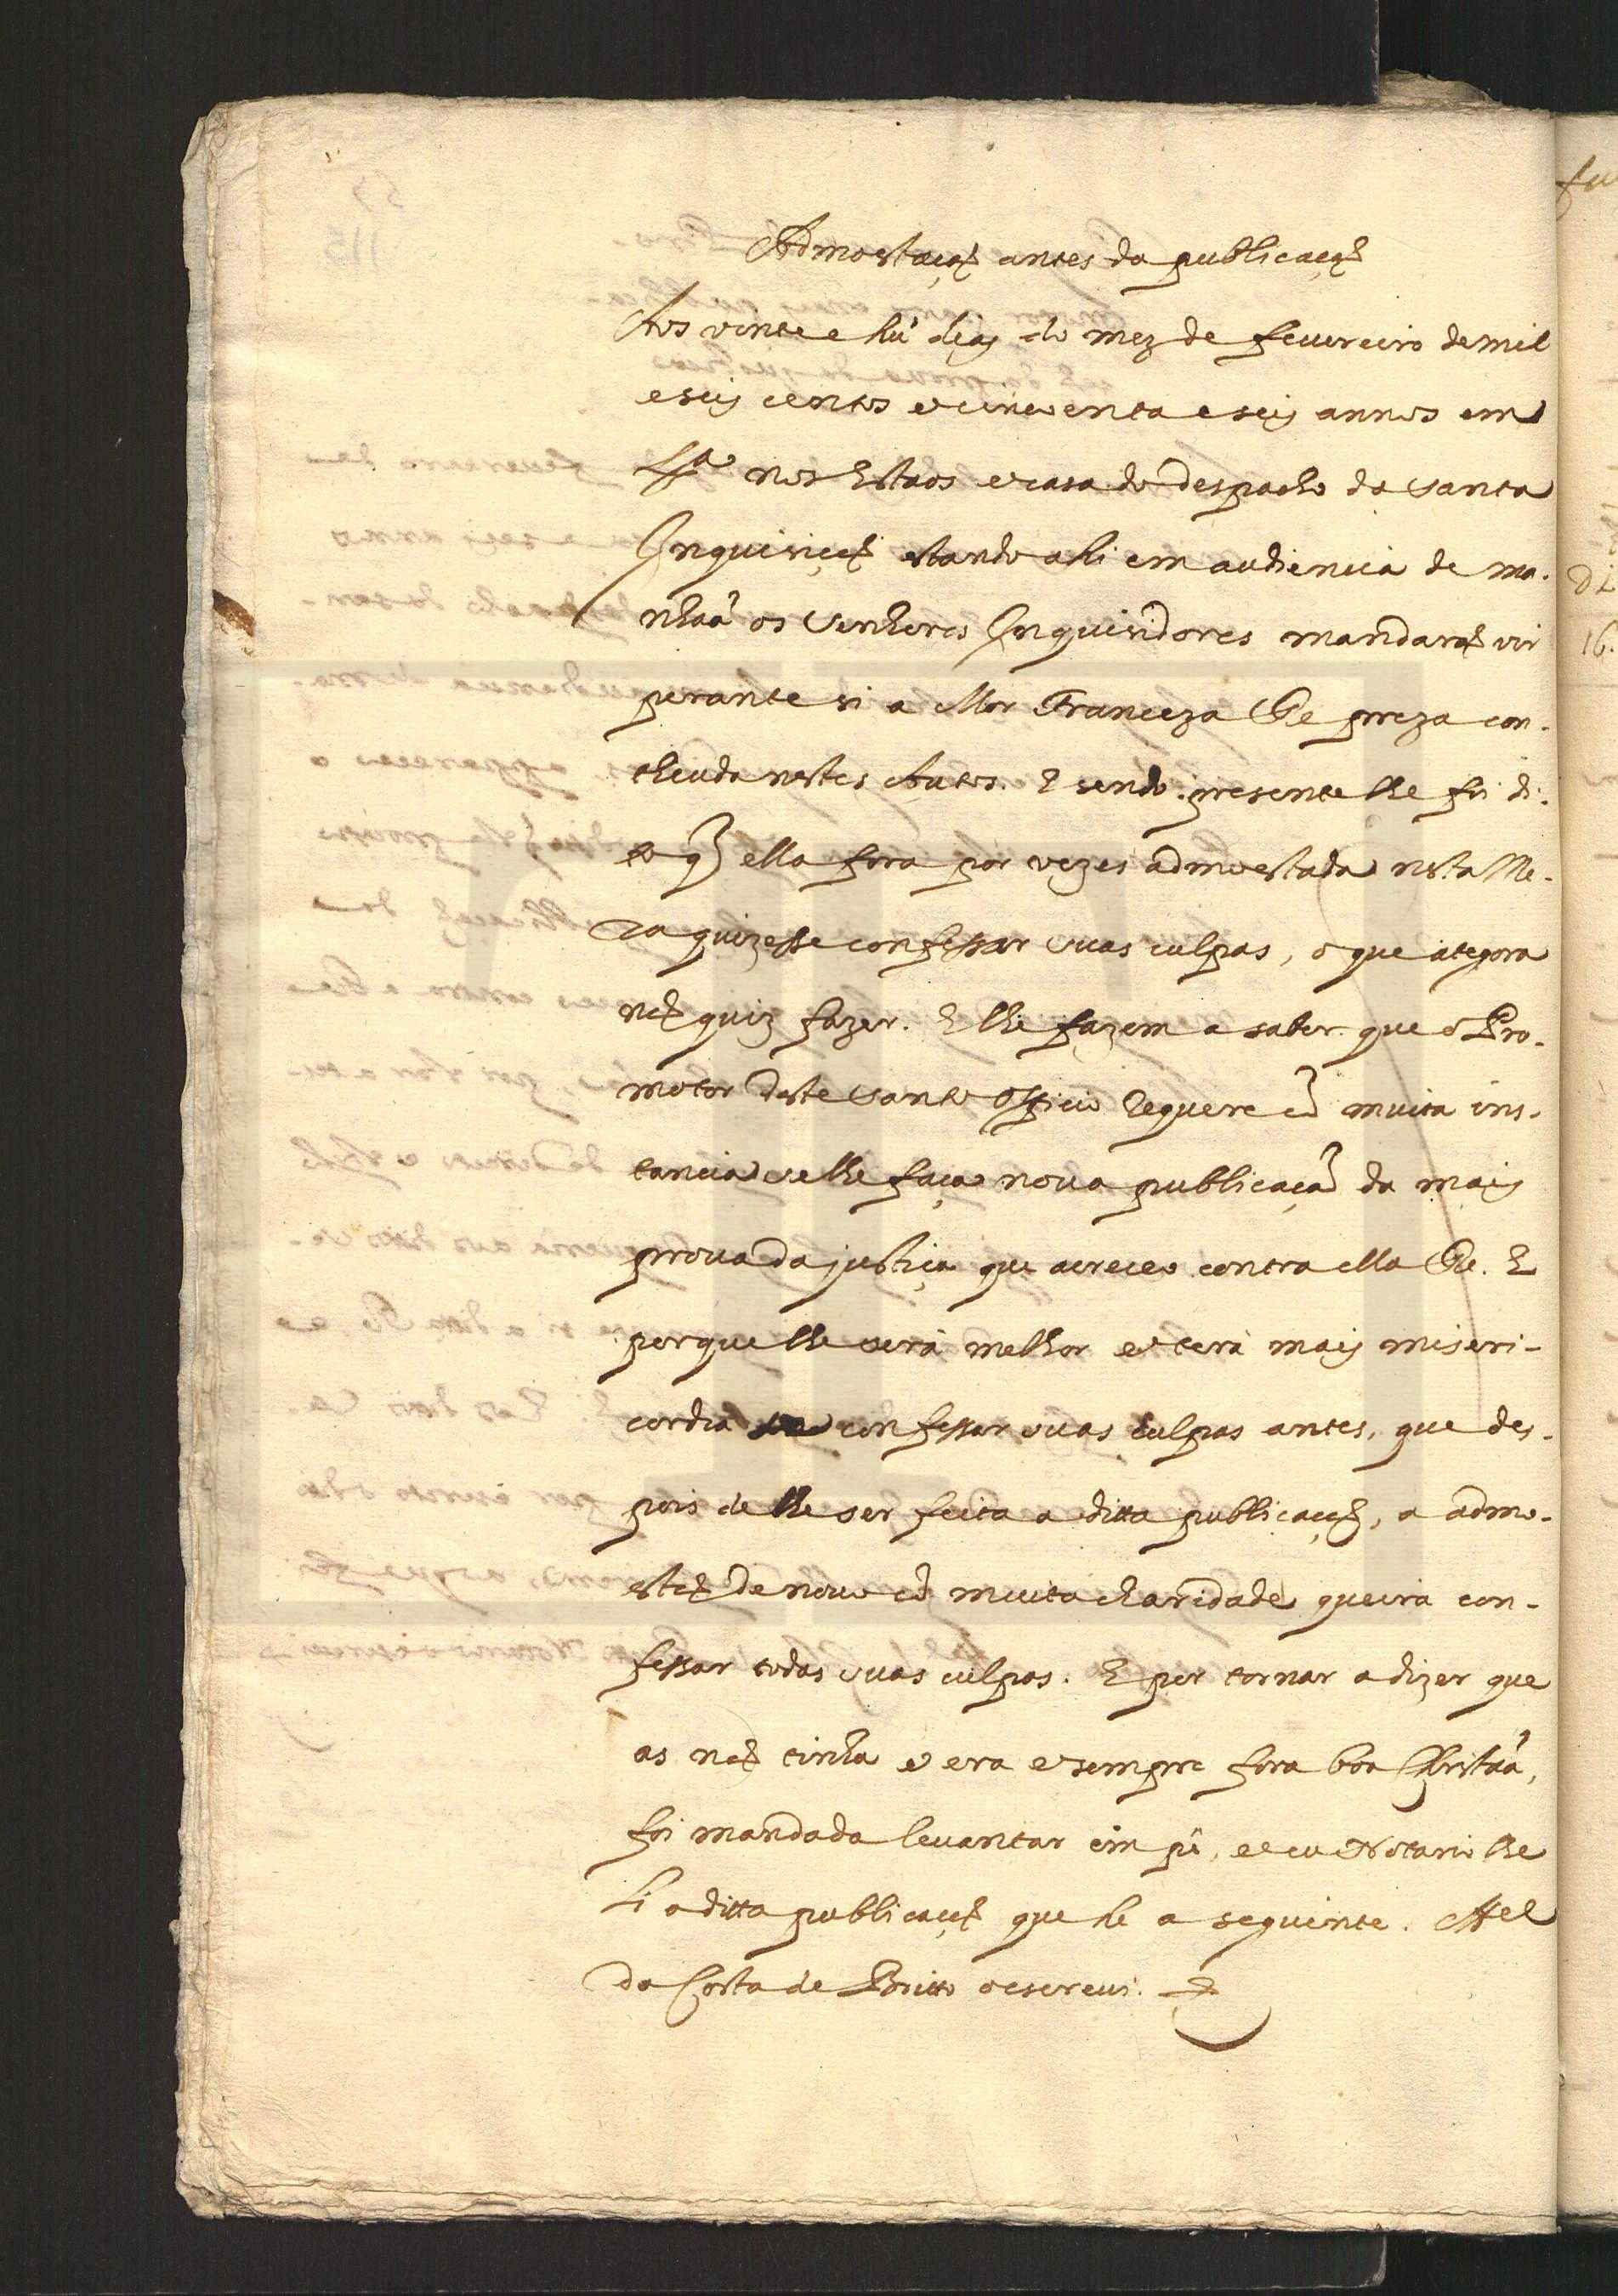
Admoestaçaõ antes da publicaçaõ
Aos vinte e hū dias do mez de feuereiro de mil
e seiscentos e cincoenta e seis annos em
Lxa nos Estaos e casa do despacho da santa
Jnquisiçaõ estando ahi em audiencia de ma
nhaã os Senhores Jnquisidores mandaraõ vir
perante si a Mor Franceza Re preza con
theuda nestes Autos. E sendo presente lhe foi di
to q̄ ella fora por vezes admoestada nesta Me
za quizesse confessar suas culpas, o que ate gora
naõ quiz fazer. E lhe fazem a saber que o Pro
motor deste santo officio Requere cō muita ins
tancia se lhe faça noua publicaçaõ da mais
proua da justiça que acreceo contra ella Re. E
porque lhe será melhor e terá mais miseri
cordia s_ confessar suas culpas antes, que des
pois de lhe ser feita a ditta publicaçaõ, a admo
estaõ de nouo cō muita charidade queira con
fessar todas suas culpas. E por tornar a dizer que
as naõ tinha e era e sempre fora boa Christaã
foi mandada leuantar em pé, e eu Notario lhe
li a ditta publicaçaõ que he a seguinte. Mel
da Costa de Britto o escreui. -
